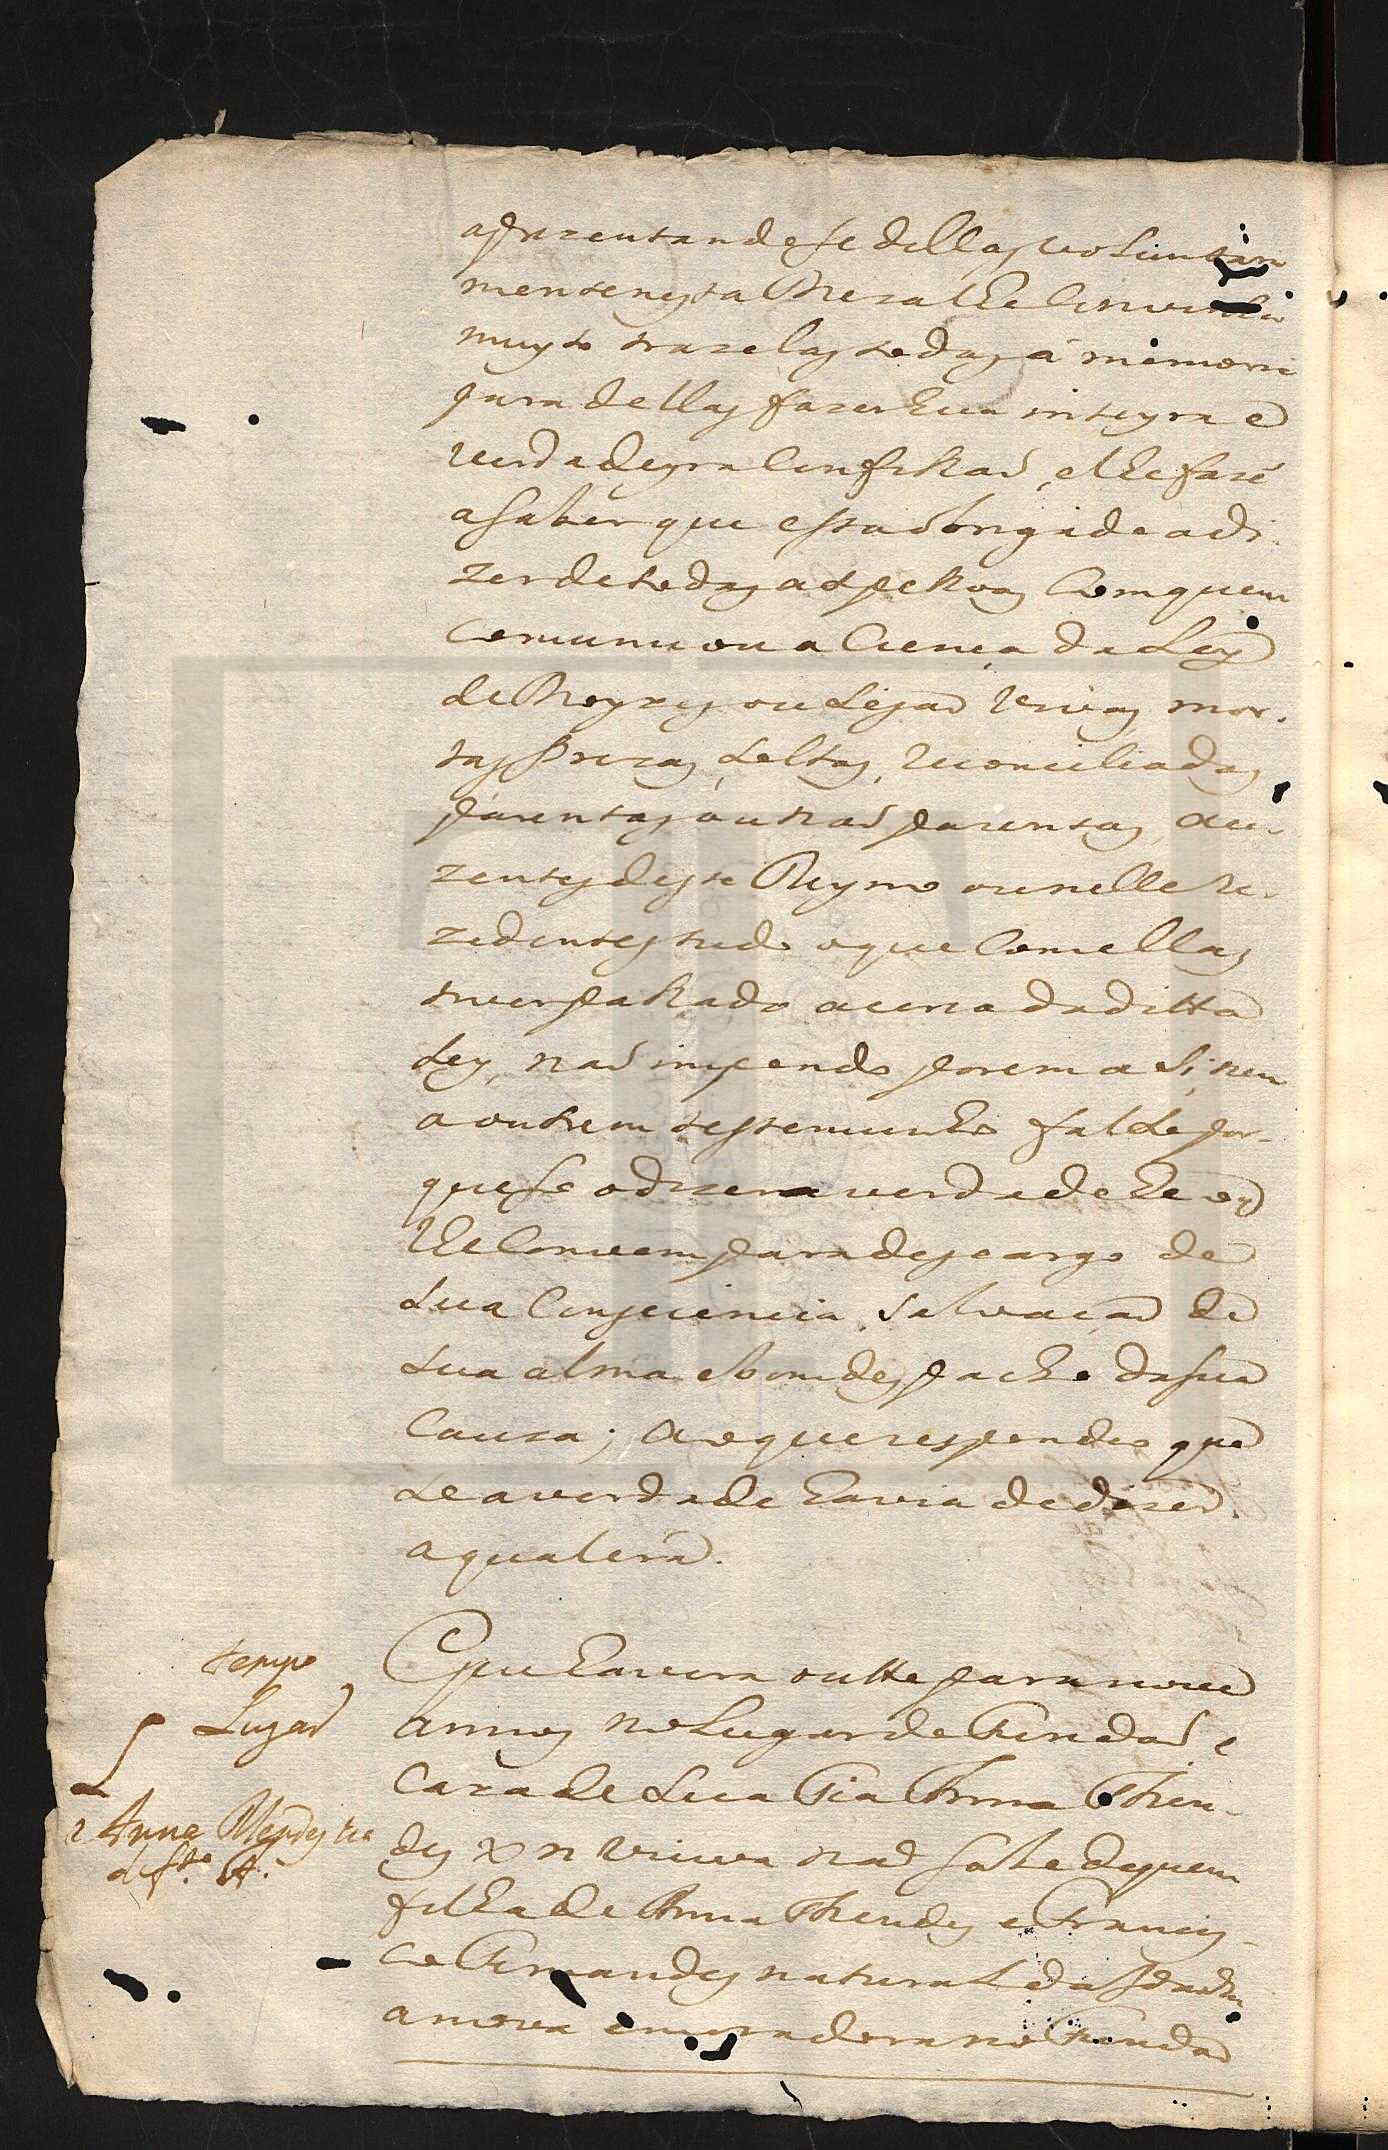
tempo
Lugar
L
Anna Mendes tia
deft.o A.
aprezentandose dellas uoluntara
mente nesta Meza lhe convinha
muyto trazelas todas á memoria
para dellas fazer hua inteyra e
uerdadeyra confissaõ, e lhe fazē
a saber que esta obrigada a di
zer de todas as pessoas com quem
comunicou a crença de Ley
de Moyzes ou sejaõ vivas, mor
tas, prezas, soltas, Reconciliadas
parentas ou não parentas, au
zentes deste Reyno ou nelle re
zedentes tudo o que com ellas
tiver passado a cena da ditta
Ley, naõ impondo porem a Si, nem
a outrem testemunho falso por
que se o dizer _ verdade he o q̄
lhe convem para descargo de
sua consciencia, salvaçaõ de
sua alma e bom despacho da sua
cauza; ao que respendeo que
se a verdade havia de dizer.
a qual era.
E que havera outto para noue
annos no Lugar do Fundaõ e
caza de sua Tia Anna Men
des xn viuva naõ sabe de quem
filha de Anna Mendes e Francis
co Fernandes natural da Jdanha
a nova e moradora no Fundaõ
